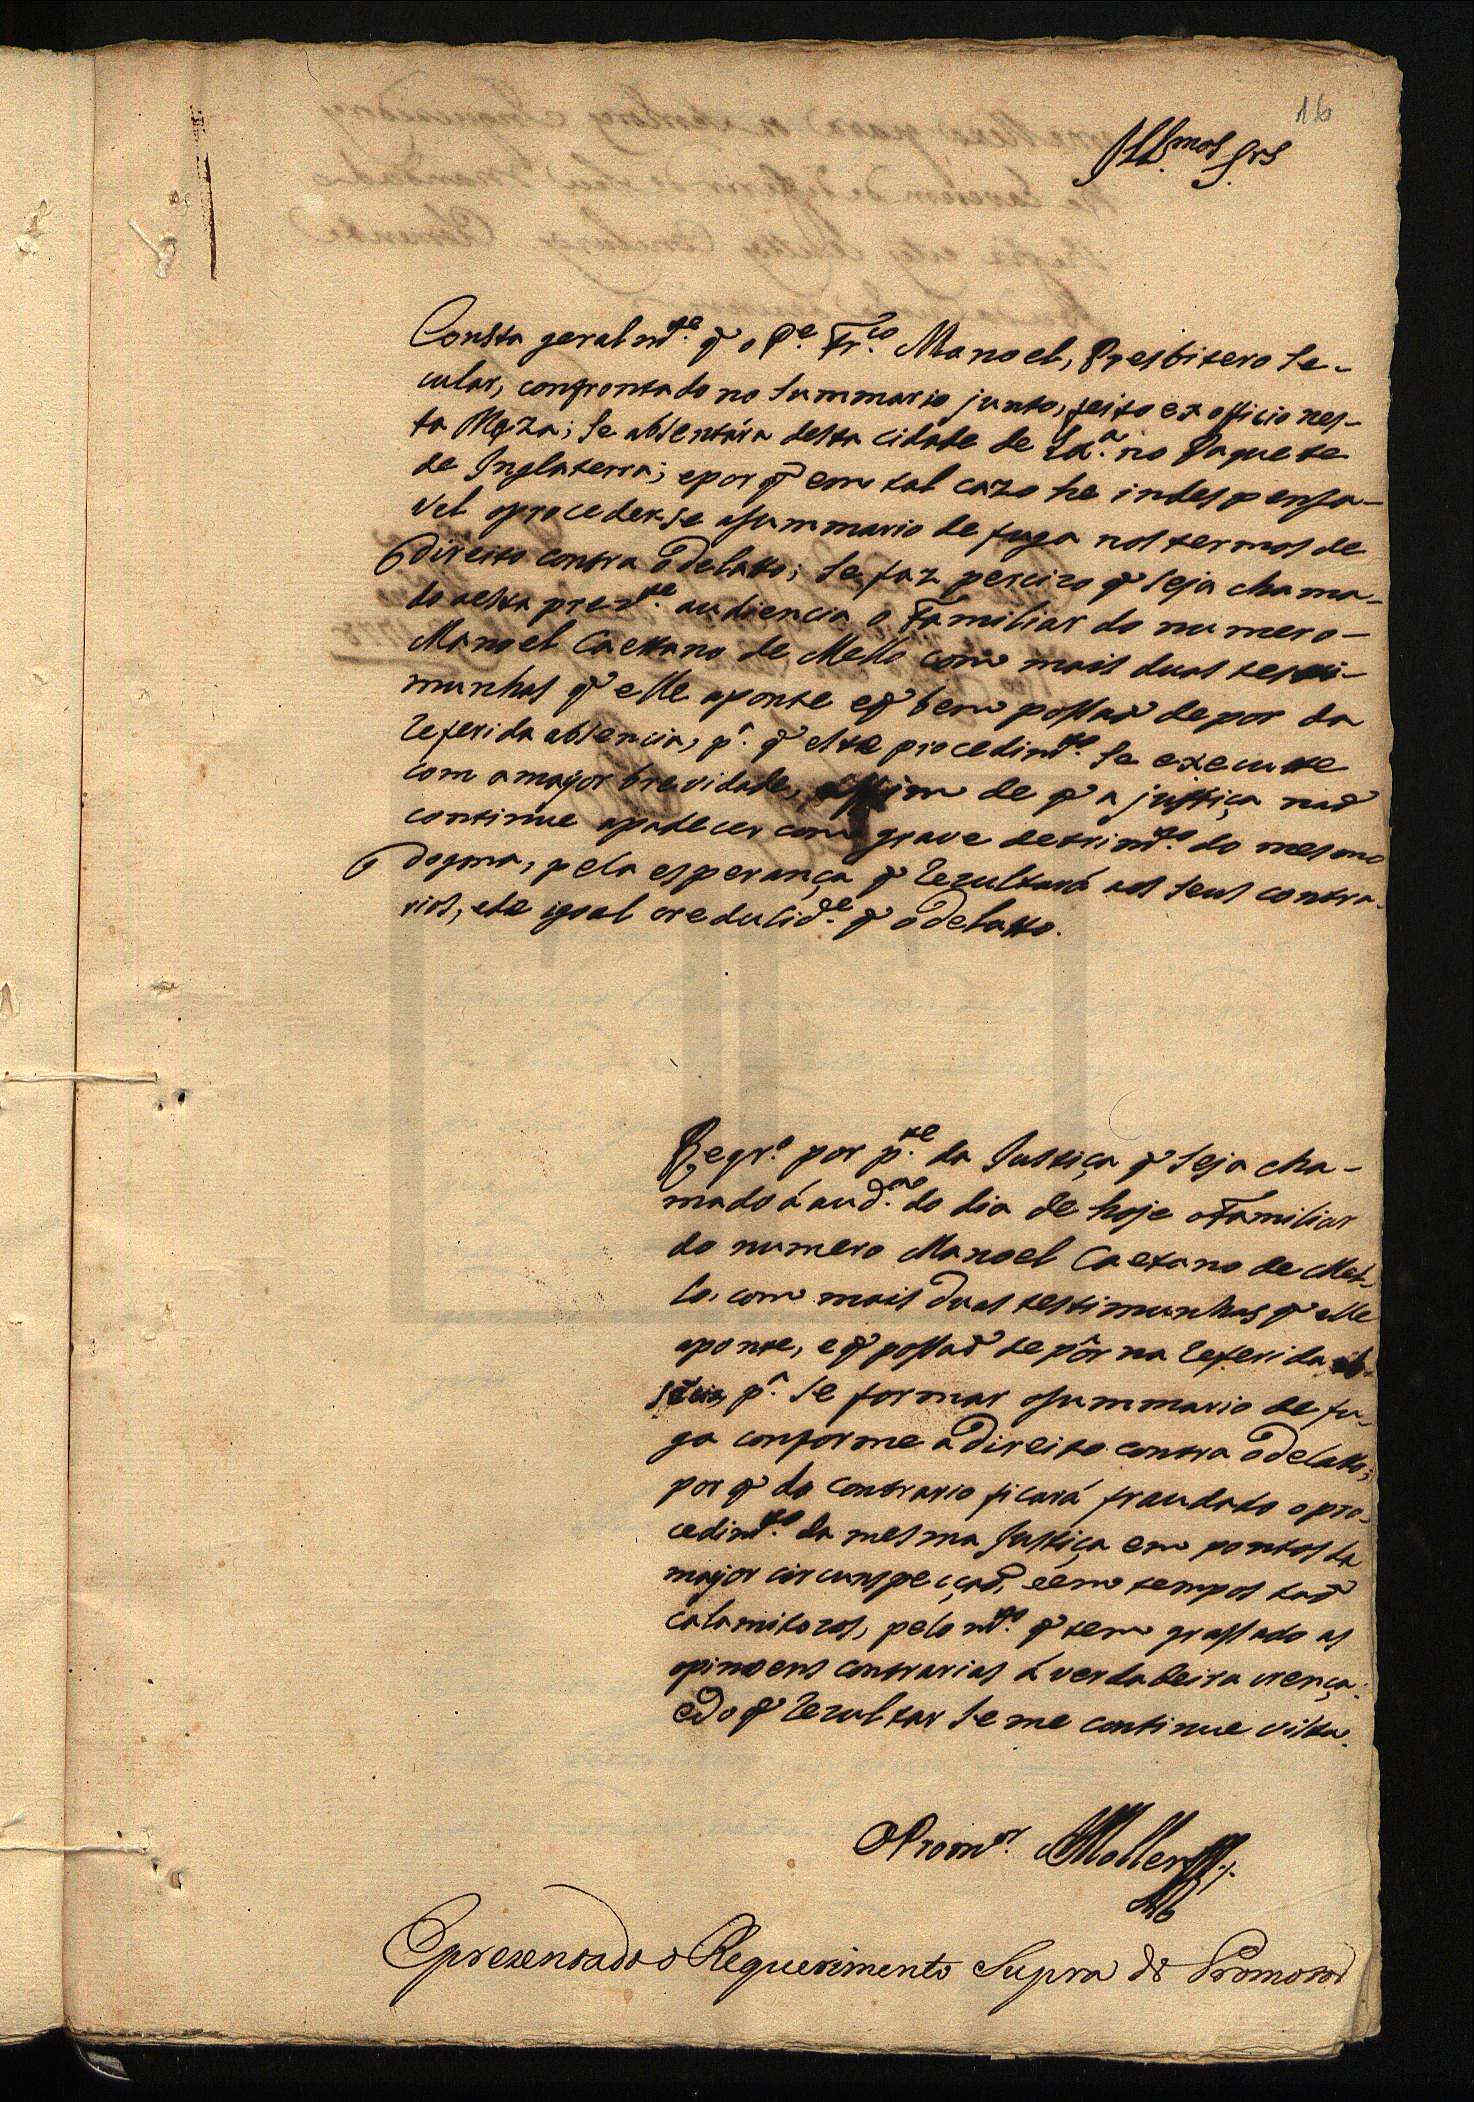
Jll.mos s.rs
Consta geralm.te q̄ o P.e Fr.co Manoel, Presbitero se
cular, confrontado no summario junto, feito ex officio nes
ta Meza; se absentára desta cidade de Lx.a no Paquete
de Inglaterra; e porq̄ em tal cazo he indespensa
vel o procederse a summario de fuga nos termos de
direito contra o delatto; se faz percizo q̄ seja chama
do a esta prez.te audiencia o Familiar do numero
Manoel Caettano de Mello como mais duas testi
munhas q̄ elle aponte e q̄ bem possaõ depor da
Referida absencia, p.a q̄ este procedim.to se execute
com a mayor brevidade, afim de q̄ a justiça naõ
continue a padecer com grave detrim.to do mesmo
dogma, pela esperança q̄ Rezultará aos seus contra
rios, e de igoal credulid.e q̄ o delatto.
Reqr.o por p.te da Iustiça q̄ seja cha
mado á aud.a do dia de hoje o Familiar
do numero Manoel Caetano de Mel
lo, com mais duas testimunhas q̄ elle
aponte, e q̄ possaõ depôr na Referida ab
ēcia p.a se formar o summario de fu
ga conforme a direito contra o delato,
porq̄ do contrario ficará fraudado o pro
cedim.to da mesma Justiça em pontos da
mayor circunspecçaõ, e em tempos taõ
calamitozos, pelo m.to q̄ tem grassado as
opinoens contrarias á verdadeira crença.
e do q̄ Rezultar se me continue vista
O Prom.or Moller
E prezentado o Requerimento Supra do Promotor
